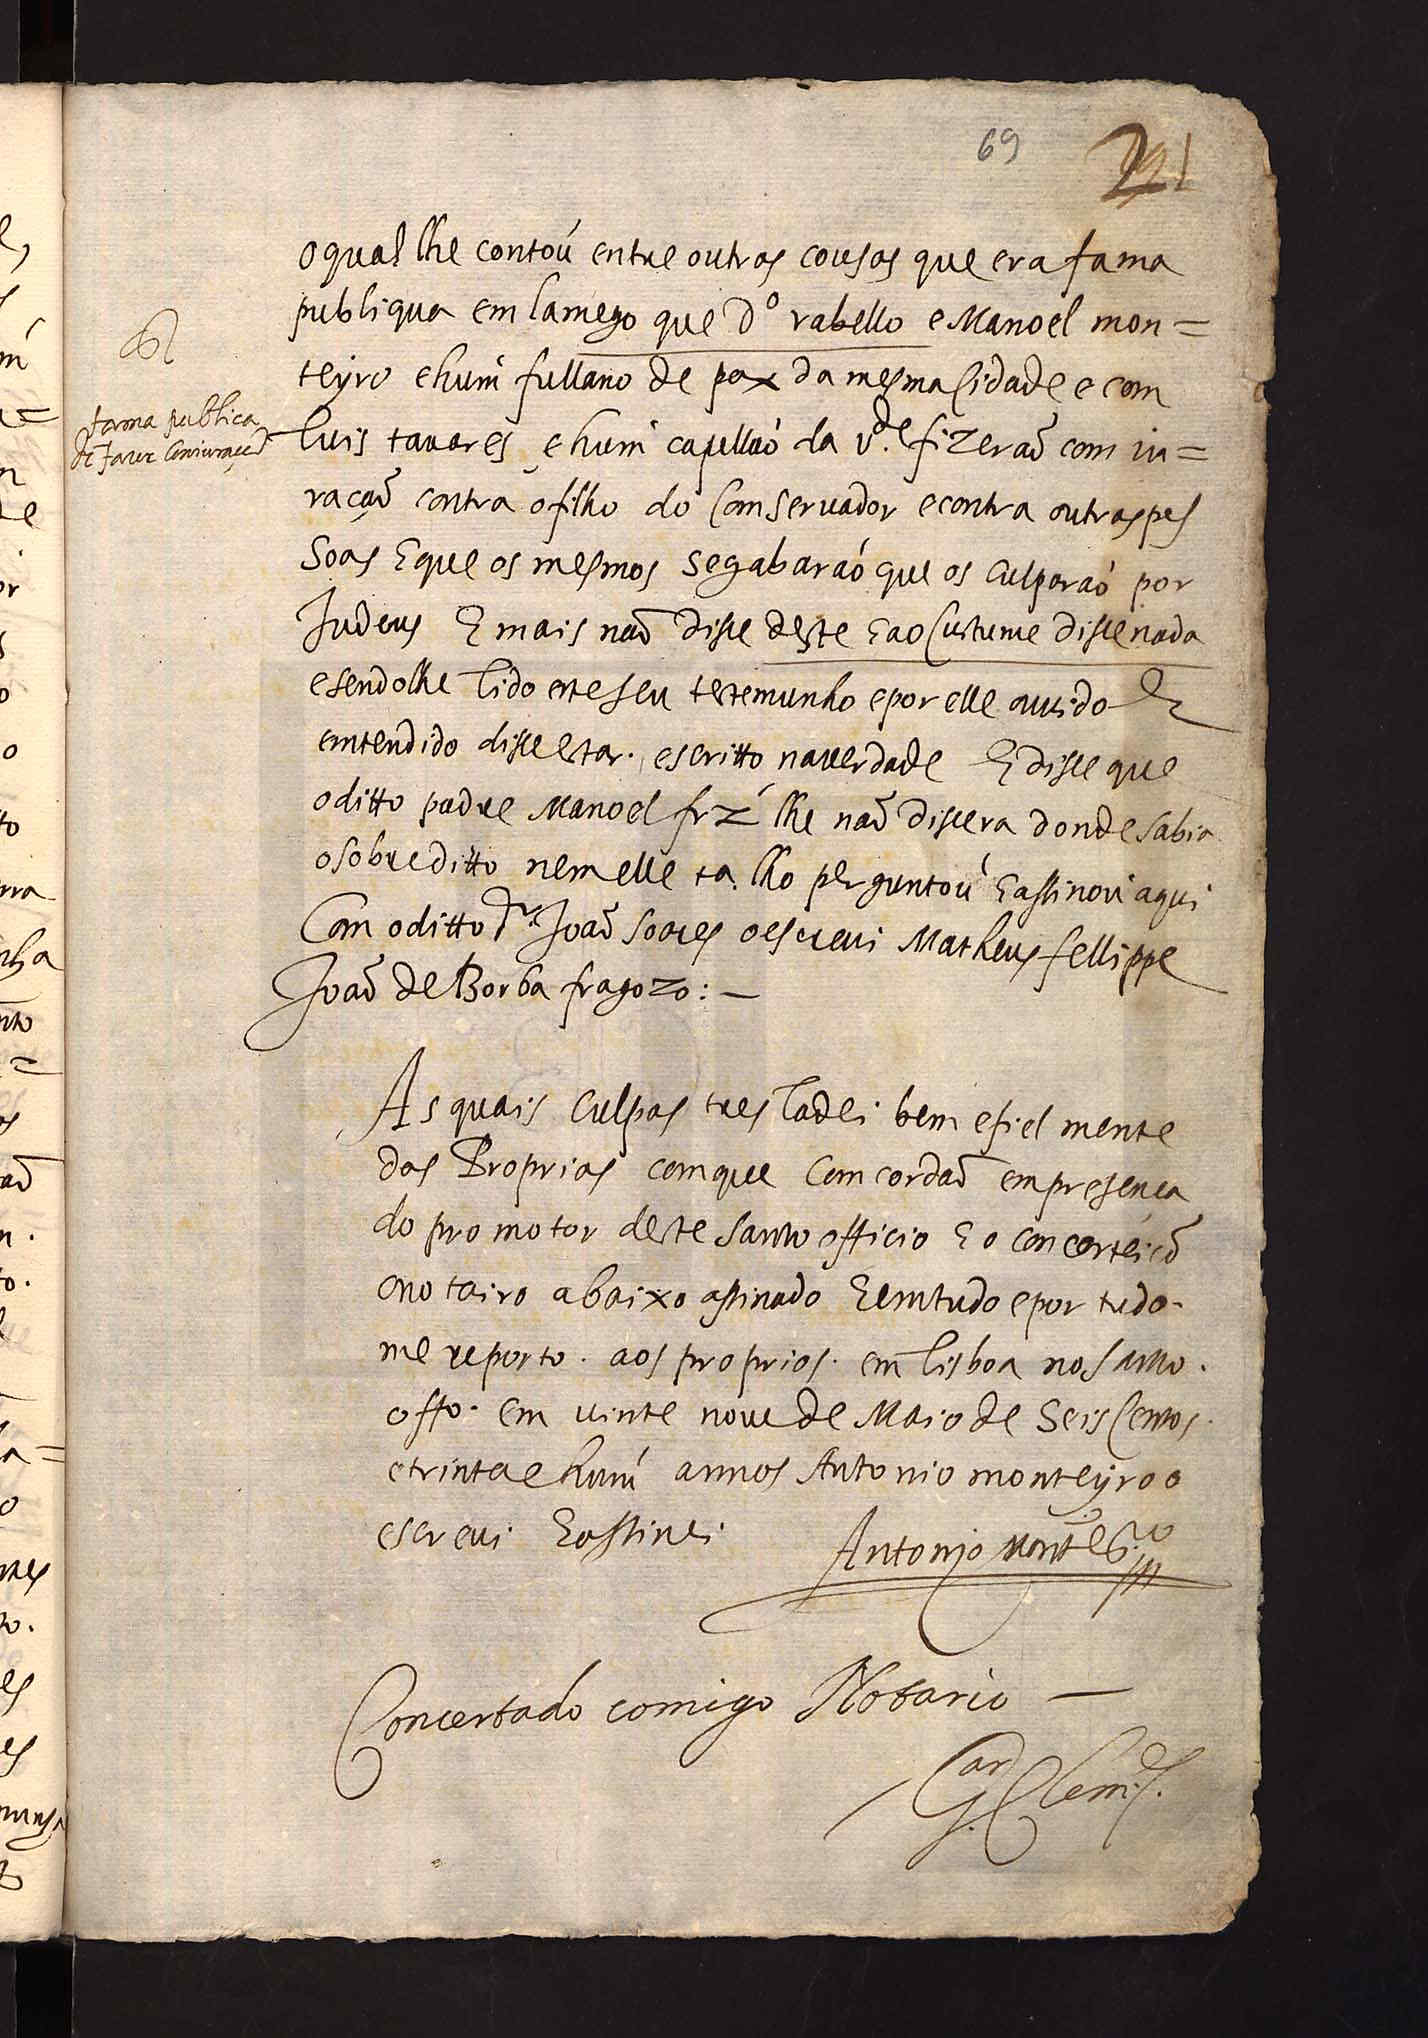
fama publica
de Fazer coniuraçaõ
O qual lhe contoū entre outras cousas que era fama
publiqua em lamego que Do rabello e Manoel mon
teyro e hum fullano de pax da mesma Cidade e com
luis tauares, e hum capellaõ da v.de fizeraõ comiu
raçaõ contra o filho do Comseruador e contra outras pes
Soas E que os mesmos se gabaraõ que os culparaõ por
Judeus E mais naõ disse deste E ao Custume disse nada
e sendolhe lido este seu testemunho e por elle ouuido E
emtendido disse estar escritto na uerdade E disse que
o ditto padre Manoel frz̄ lhe naõ dissera donde sabia
o sobreditto nem elle ta. lho perguntou E assinou aqui
Com o ditto d.or Joaõ Soares o escreui Matheus fellippe
Joaõ de Borba fragozo:
As quais culpas tresladei bem e fielmente
das Proprias com que comcordaõ em presença
do promotor deste Santo officio E o concertei cō
o notairo abaixo assinado E em tudo e por tudo
me reporto aos proprios. em lisboa no Santo
offo. em uinte noue de Maio de SeisCentos
e trinta e hum annos Antonio monteyro o
escreui E o assinei.
Antonjo Monte.ro
Concertado comigo Notario
G.ar Clem.e
